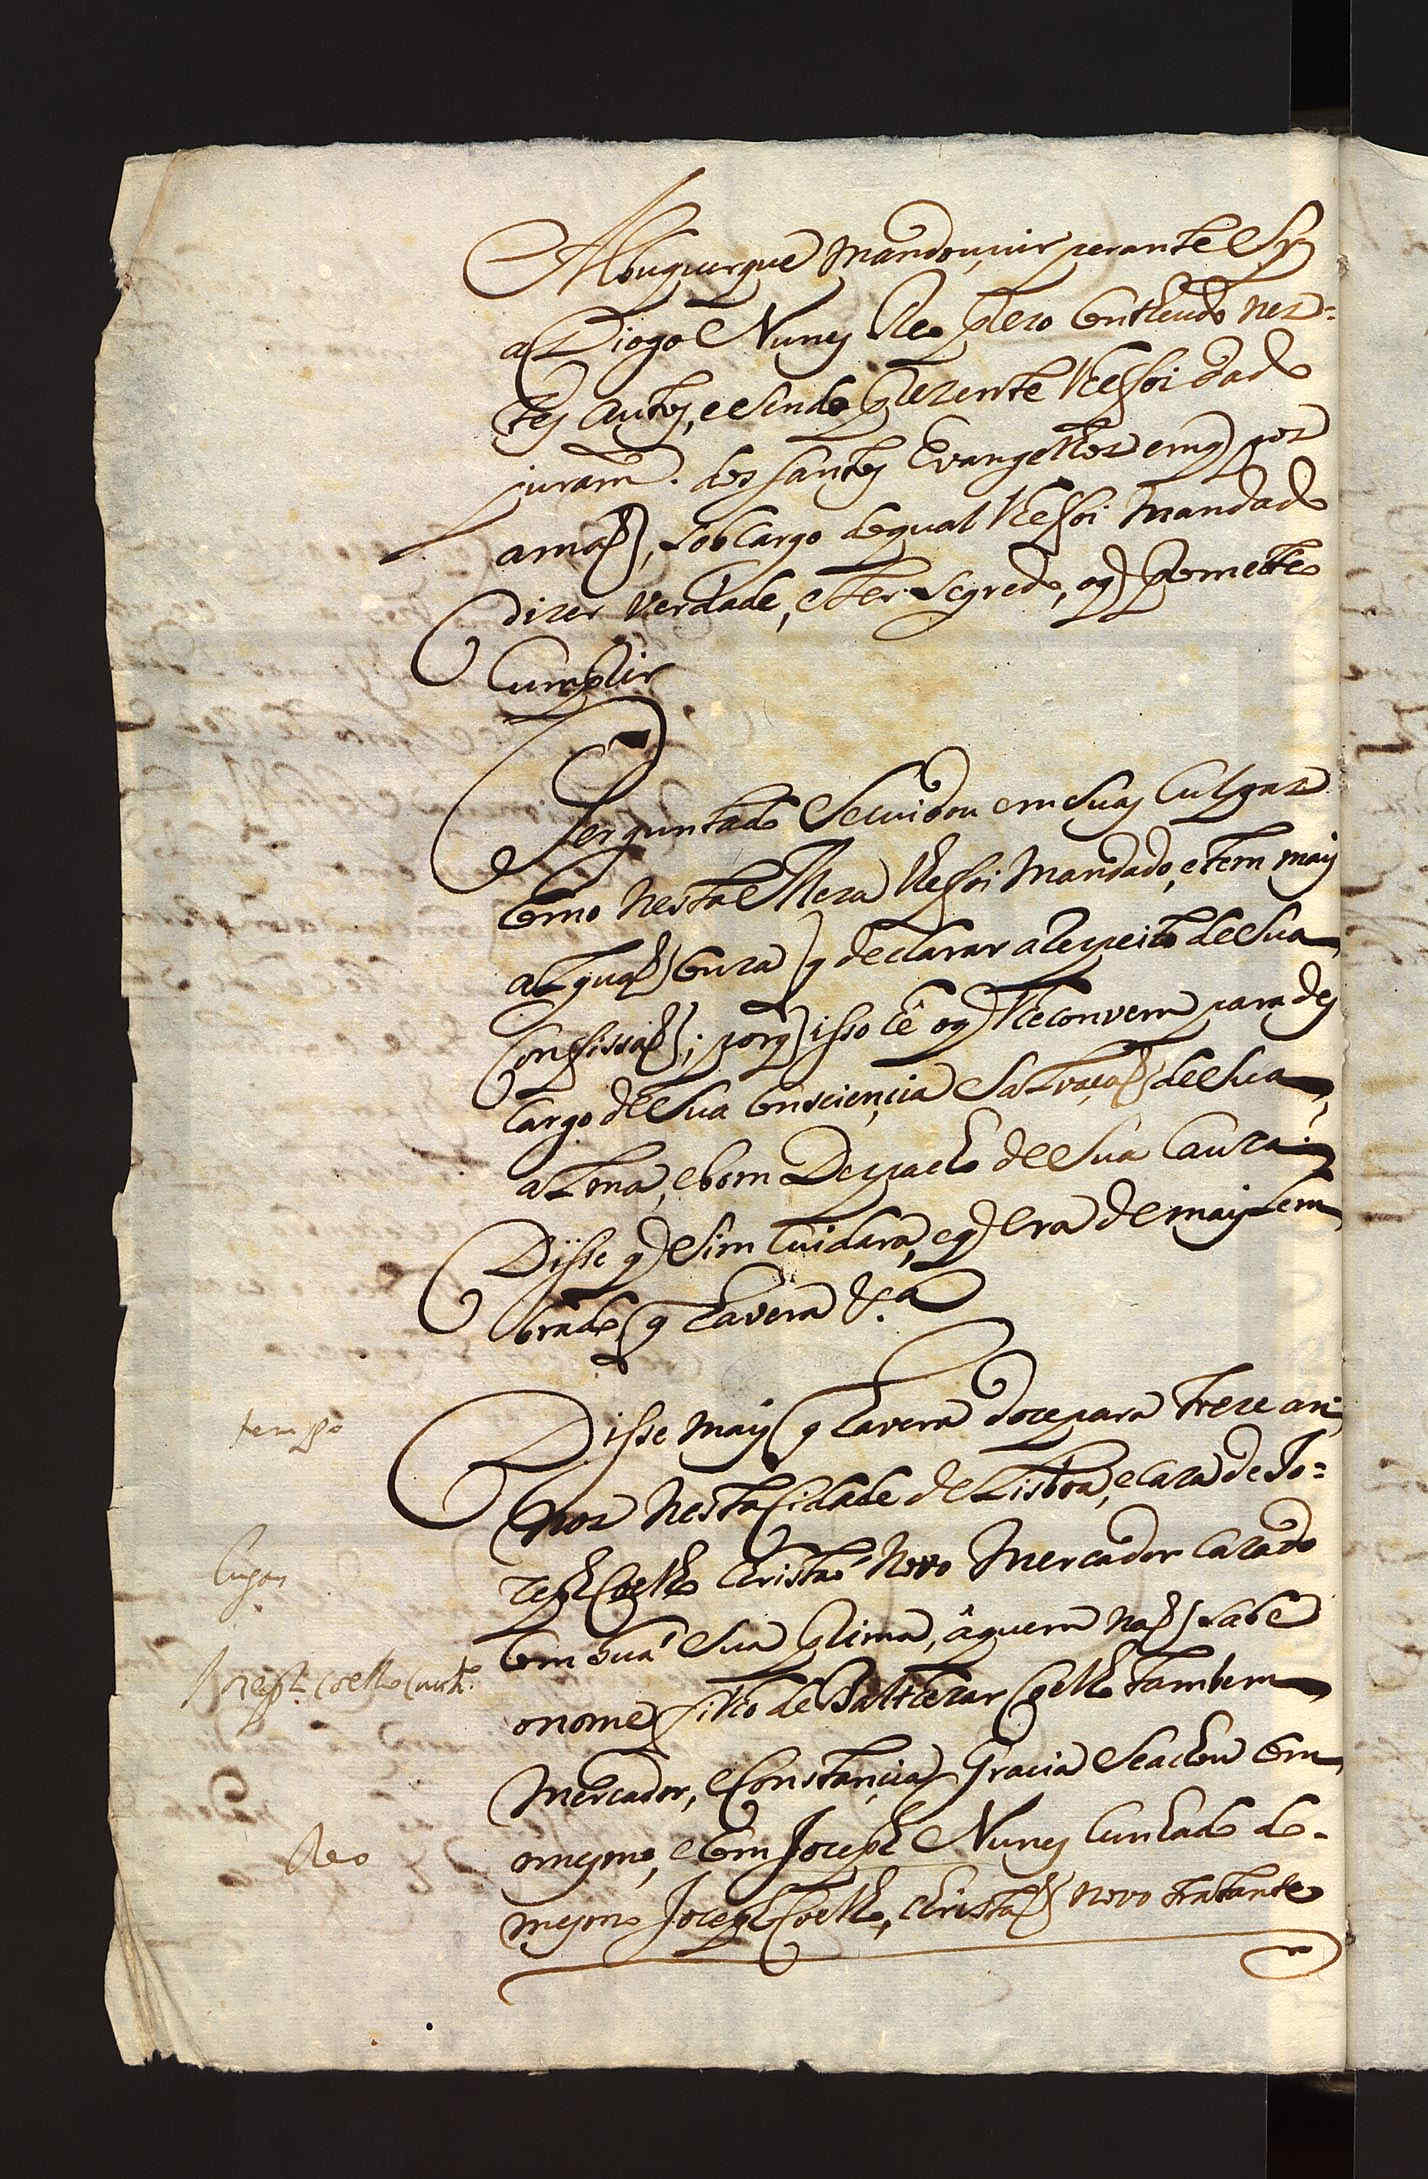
Albuquerque mandou uir perante Sy
a Diogo Nunes Reo pRezo Contheudo nez
tes autos, e sendo pRezente lhe foi dado
juramto. dos santos Evangelhos em q̄ poz
a maõ, sob cargo do qual lhe foi mandado
dizer verdade, e ter segredo, o q̄ pRometteo
Cumprir
Perguntado Se cuidou em Suas Culpas
Como nesta Meza lhe foi mandado, e tem mais
alguā Couza q̄ declarar a Respeito de Sua
Confissaõ; porq̄ isso hê o q̄ lhe convem para des
Cargo de Sua Consciencia Salvaçaõ de Sua
aLma, e bom Despacho de Sua Cauza
Disse q̄ Sim cuidara, e q̄ era de mais Lem
brado q̄ havera &.a
Disse mais q̄ havera doze para treze an
tempo
noz nesta Cidade de Lisboa, e caza de Io
zeph Coelho Christaõ novo Mercador cazado
lugar
Com huā Sua pRima, á quem naõ sabe
Iozeph. coelho Cout.o
o nome filho de Balthezar Coelho tambem
mercador, e Constancia Gracia Se achou Com
o mesmo, e com Jozeph Nunes Cunhado do
Reo
mesmo Jozeph Coelho, christaõ novo tratante
